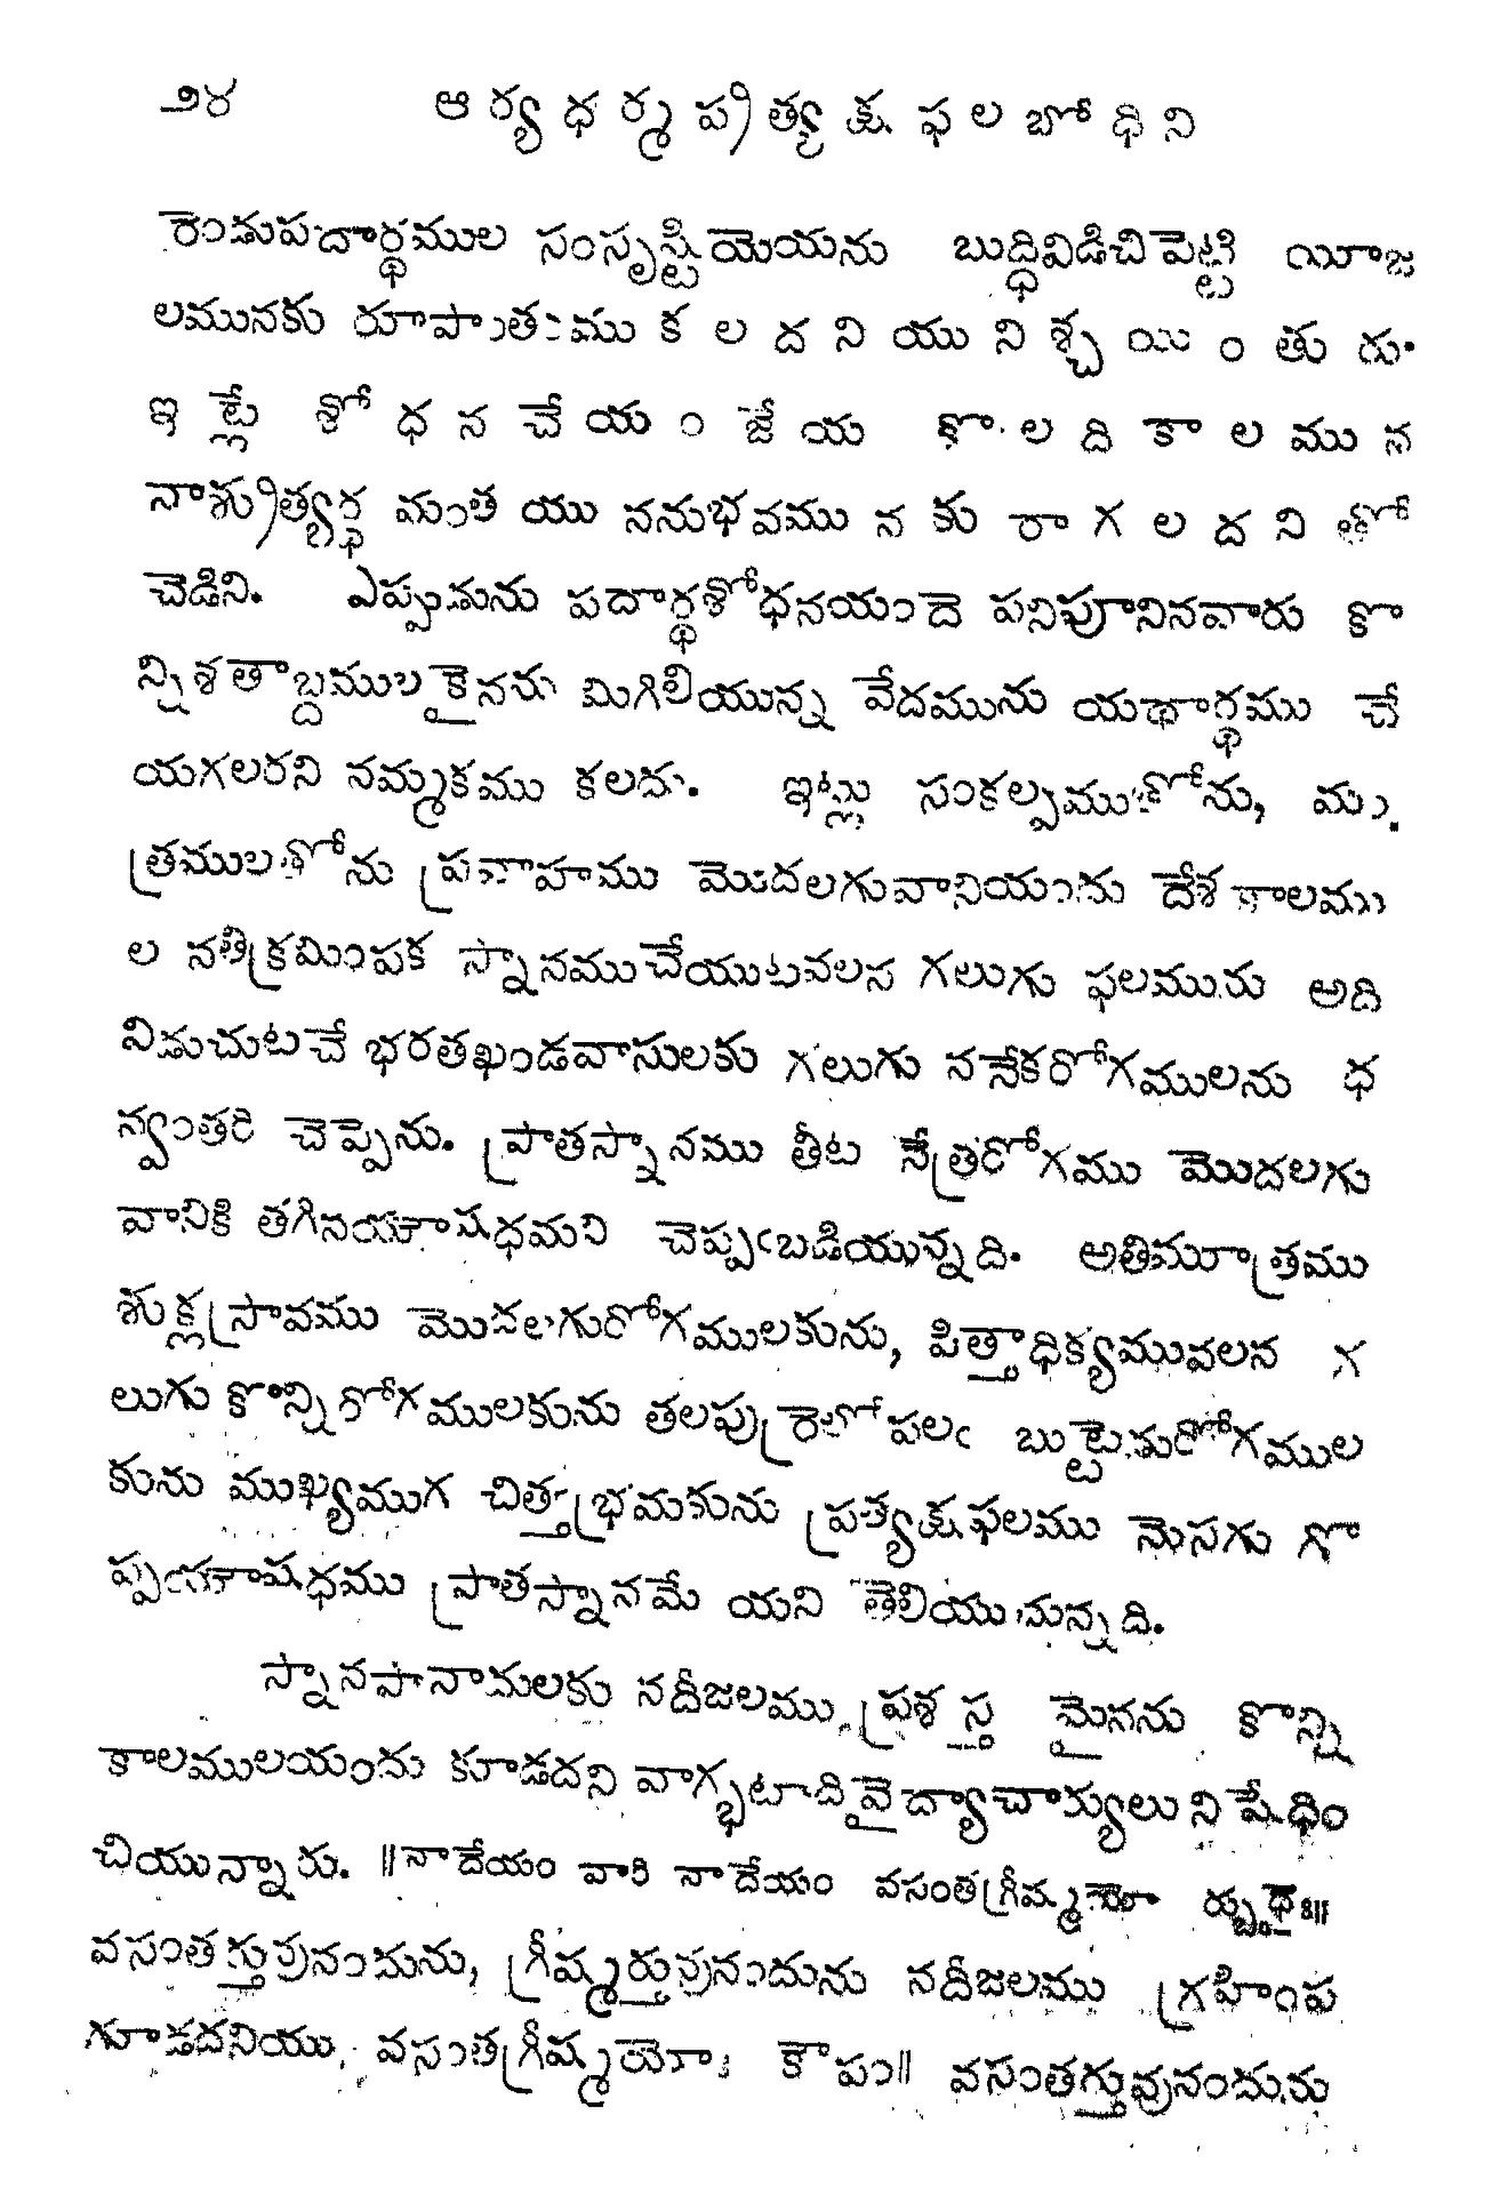రెండుపదార్థముల సంసృష్టియెయను బుద్ధివిడిచిపెట్టి యీజలమునకు రూపాంతరము కలదనియు నిశ్చయింతురు. ఇట్లే శోధన చేయ౦ జేయ కొలదికాలమున నాశ్రుత్యర్ధ మంతయు ననుభవము నకు రాగలదని తోచెడిని. ఎప్పుడును పదార్థశోధనయందె పనిపూనినవారు కొన్నిశతాబ్దములకైనను మిగిలియున్న వేదమును యథార్థము చేయగలరని నమ్మకము కలదు. ఇట్లు సంకల్పముతోను, మంత్రములతోను ప్రవాహము మొదలగువానియందు దేశకాలముల నతిక్రమింపక స్నానముచేయుటవలన గలుగు ఫలమును అది విడుచుటచే భరతఖండవాసులకు గలుగు ననేకరోగములను ధన్వంతరి చెప్పెను. ప్రాతస్నానము తీట నేత్రరోగము మొదలగువానికి తగినయౌషధమని చెప్పఁబడియున్నది. అతిమూత్రము శుక్లస్రావము మొదలగురోగములకును, పిత్తాధిక్యమువలన గలుగు కొన్నిరోగములకును తలపుర్రెలోపలఁ బుట్టెడురోగములకును ముఖ్యముగ చిత్తభ్రమకును ప్రత్యక్షఫలము నొసగు గొప్పయౌషధము ప్రాతస్నానమే యని తెలియుచున్నది.

స్నానపానాదులకు నదీజలము, ప్రశస్త మైనను కొన్నికాలములయందు కూడదని వాగ్భటాదివైద్యాచార్యులు నిషేధించియున్నారు. ॥నాదేయం వారి నాదేయం వసంతగ్రీష్మయో ర్భుథైః॥ వసంతర్తువునందును, గ్రీష్మర్తువునందును నదీజలము గ్రహింప గూడదనియు, వసంతగ్రీష్మయోః కౌపం॥ వసంతర్తువునందును